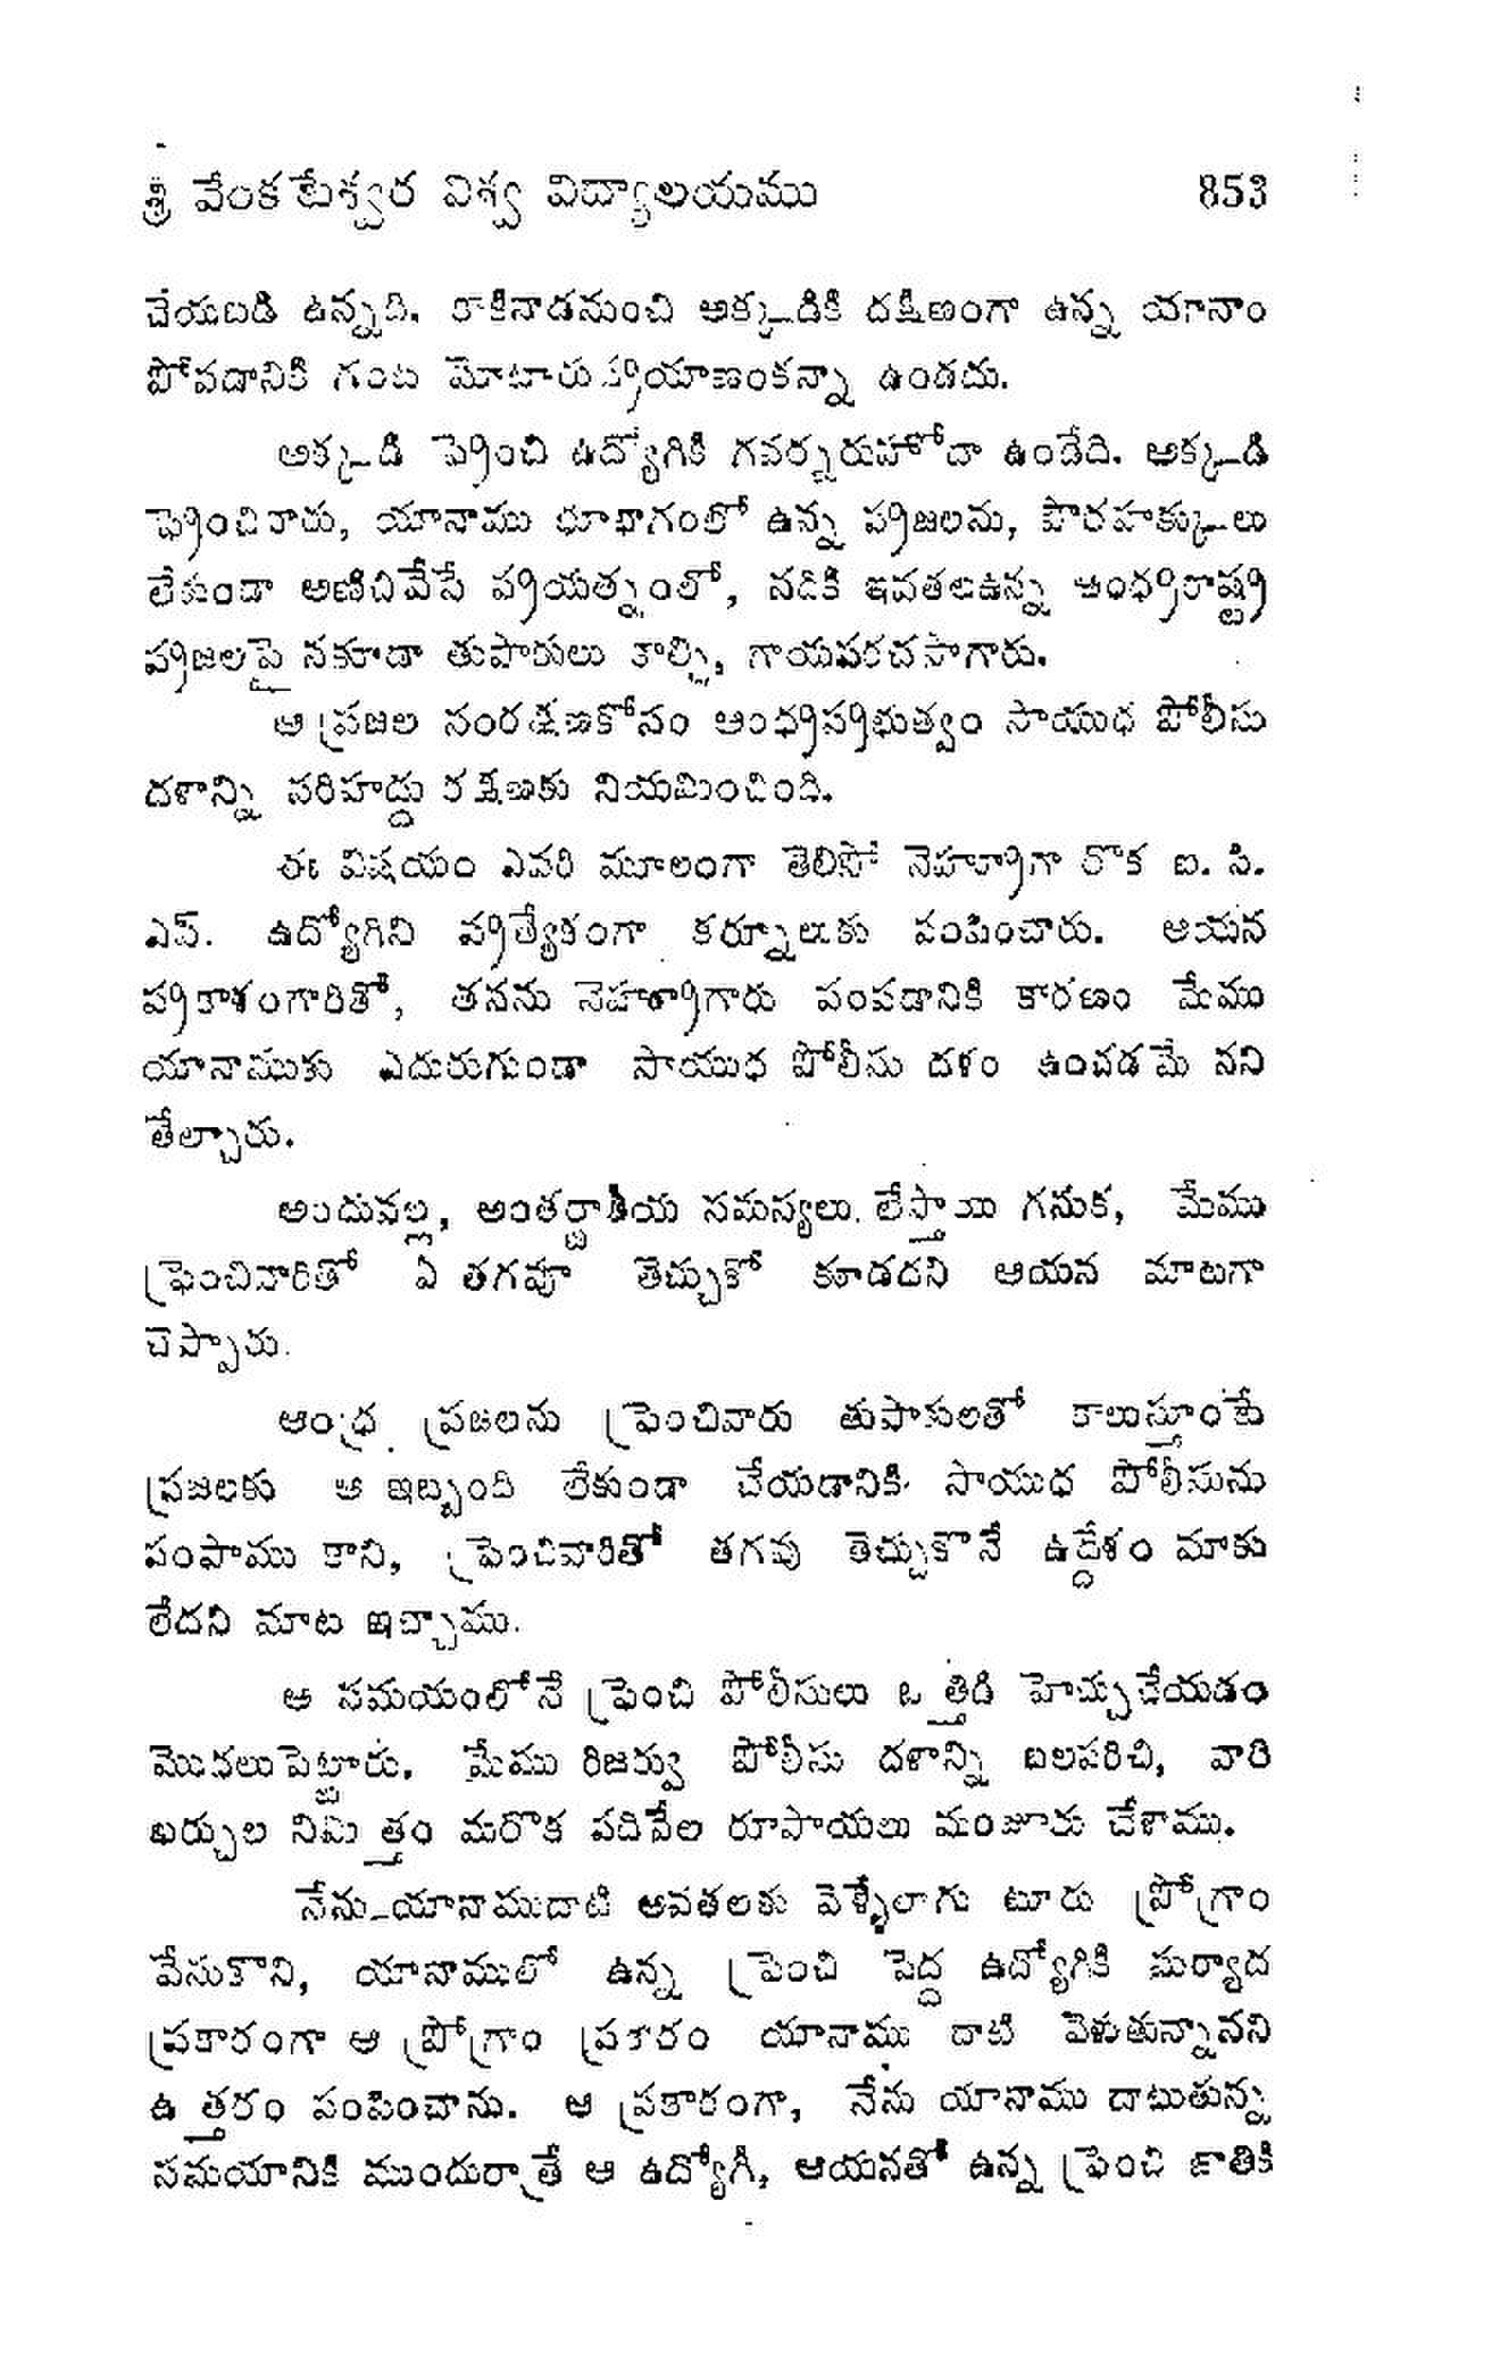చేయబడి ఉన్నది. కాకినాడనుంచి అక్కడికి దక్షిణంగా ఉన్న యానాం పోవడానికి గంట మోటారు ప్రయాణంకన్నా ఉండదు.

అక్కడి ప్రెంచి ఉద్యోగికి గవర్నరుహోదా ఉండేది. అక్కడి ఫ్రెంచివారు, యానాము భూభాగంలో ఉన్న ప్రజలను, పౌరహక్కులు లేకుండా అణిచివేసే ప్రయత్నంలో, నదికి ఇవతలఉన్న ఆంధ్రరాష్ట్ర ప్రజలపైనకూడా తుపాకులు కాల్చి, గాయపరచసాగారు.

ఆ ప్రజల సంరక్షణకోసం ఆంధ్రప్రభుత్వం సాయుధ పోలీసు దళాన్ని సరిహద్దు రక్షణకు నియమించింది.

ఈ విషయం ఎవరి మూలంగా తెలిసో నెహ్రూగా రొక ఐ. పి. ఎస్. ఉద్యోగిని ప్రత్యేకంగా కర్నూలుకు పంపించారు. ఆయన ప్రకాశంగారితో, తనను నెహ్రూగారు పంపడానికి కారణం మేము యానాముకు ఎదురుగుండా సాయుధ పోలీసు దళం ఉంచడమే నని తేల్చారు.

అందువల్ల, అంతర్జాతీయ సమస్యలు లేస్తాయి గనుక, మేము ప్రెంచివారితో ఏ తగవూ తెచ్చుకో కూడదని ఆయన మాటగా చెప్పారు.

ఆంధ్ర ప్రజలను ప్రెంచివారు తుపాకులతో కాలుస్తూంటే ప్రజలకు ఆ ఇబ్బంది లేకుండా చేయడానికి సాయుధ పోలీసును పంపాము కాని, ప్రెంచివారితో తగవు తెచ్చుకొనే ఉద్దేశం మాకులేదని మాట ఇచ్చాము.

ఆ సమయంలోనే ప్రెంచి పోలీసులు ఒత్తిడి హెచ్చుచేయడం మొదలుపెట్టారు. మేము రిజర్వు పోలీసులు దళాన్ని బలపరచి, వారి ఖర్చుల నిమిత్తం మరొక పదివేల రూపాయలు మంజూరు చేశాము.

నేను యానాముదాటి అవతలకు వెళ్ళేలాగు టూరు ప్రోగ్రాం వేసుకొని, యానాములో ఉన్న ప్రెంచి పెద్ద ఉద్యోగికి మర్యాద ప్రకారంగా ఆ ప్రోగ్రాం ప్రకారం యానాము దాటి వెళుతున్నానని ఉత్తరం పంపించాను. ఆ ప్రకారంగా, నేను యానాము దాటుతున్న సమయానికి ముందురాత్రే ఆ ఉద్యోగీ, ఆయనతో ఉన్న ప్రెంచి జాతికి